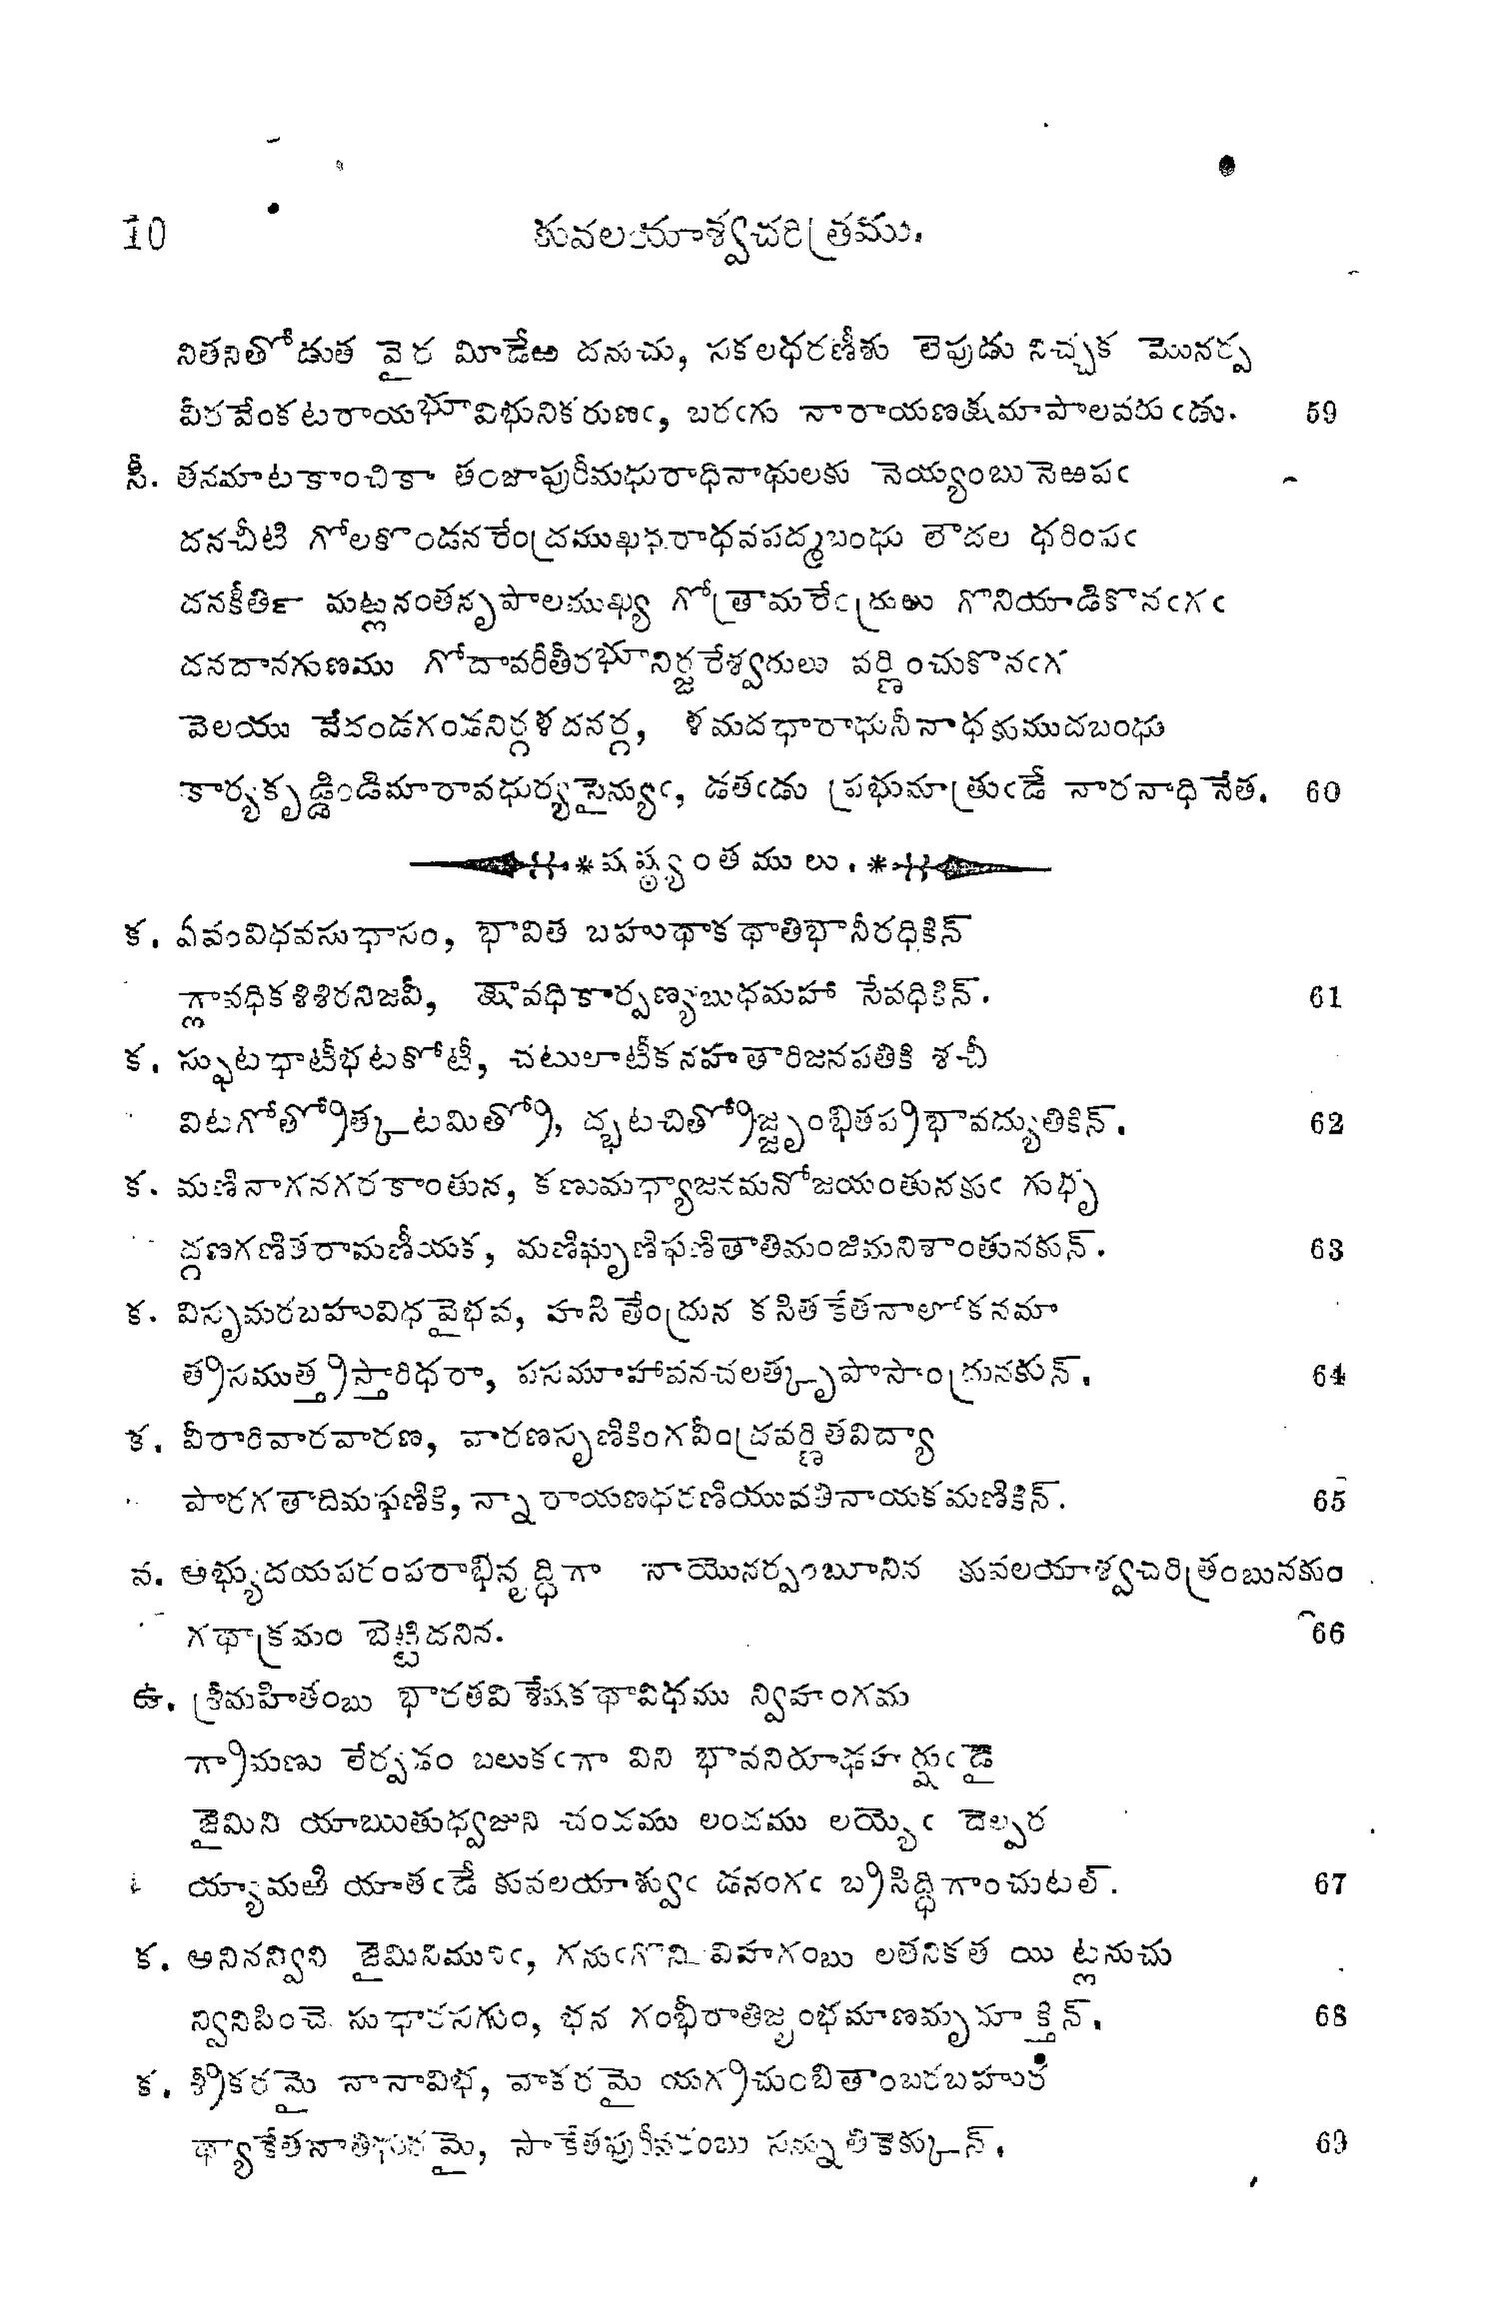నితనితోడుత వైర మీడేఱ దనుచు, సకలధరణీశు లెపుడు నిచ్చక మొనర్స
వీరవేంకటరాయభూవిభునికరుణఁ, బరఁగు నారాయణక్షమాపాలవరుఁడు.
సీ. తనమాట కాంచికాతంజాపురీమధురాధినాథులకు నెయ్యంబు నెఱపఁ
దనచీటి గోలకొండనరేంద్రముఖధరాధవపద్మబంధు లౌదల ధరింపఁ
దనకీర్తి మట్లనంతనృపాలముఖ్య గోత్రామరేంద్రులు గొనియాడికొనఁగఁ
దనదానగుణము గోదావరీతీరభూనిర్జరేశ్వరులు వర్ణించుకొనఁగ
వెలయు వేదండగండనిర్గళదనర్గ, ళమ ధారాధునీనాథకుముదబంధు
కార్యకృడ్డిండిమారావధుర్యసైన్యుఁ, డతఁడు ప్రభుమాత్రుఁడే నారనాధినేత.
షష్ఠ్యంతములు
క. ఏవంవిధవసుధాసం, భావితబహుథాకథాతిభానీరధికిన్
గ్లావధికశిశిరనిజవీ, క్షావధికార్పణ్యబుధమహాసేవధికిన్.
క. స్ఫుటధాటీభటకోటీ, చటులాటీకనహతారిజనపతికి శచీ
విటగోత్రోత్కటమిత్రో, ద్భటచిత్రోజ్జృంభితప్రభావద్యుతికిన్.
క. మణినాగనగరకాంతున, కణుమధ్యాజనమనోజయంతునకుఁ గుభృ
ద్గణగణితరామణీయక, మణిఘృణిఫణితాతిమంజిమనిశాంతునకున్.
క. విసృమరబహువిధవైభవ, హసితేంద్రున కసితకేతనాలోకనమా
సముత్త్రస్తారిధరా, పసమూహావనచలత్కృపాసాంద్రునకున్.
క. వీరారివారవారణ, వారణసృణికింగవీంద్రవర్ణితవిద్యా
పారగతాదిమఫణికి, న్నారాయణధరణియువతినాయకమణికిన్.
వ. అభ్యుదయపరంపరాభివృద్ధిగా నాయొనర్పంబూనిన కువలయాశ్వచరిత్రంబునకుం
గథాక్రమం బెట్టి దనిన.
ఉ. శ్రీమహితంబు భారతవిశేషకథావిధము న్విహంగమ
గ్రామణు లేర్పడం బలుకఁగా విని భావనిరూఢహర్షుఁడై
జైమిని యాఋతుధ్వజుని చందము లందము లయ్యెఁ దెల్పర
య్యా మఱి యాతఁడే కువలయాశ్వుఁ డనంగఁ బ్రసిద్ధి గాంచుటల్.
క. అనిన న్విని జైమినిమునిఁ, గనుఁగొని విహగంబు లతనికత యి ట్లనుచు
న్వినిపించె సుధారసగుం, భనగంభీరాతిజృంభమాణమృదూక్తిన్.
క. శ్రీకరమై నానావిభ, వాకరమై యగ్రచుంబితాంబరబహుర
థ్యాకేతనాతిసరమై, సాకేతపురీవరంబు సన్నుతి కెక్కున్.